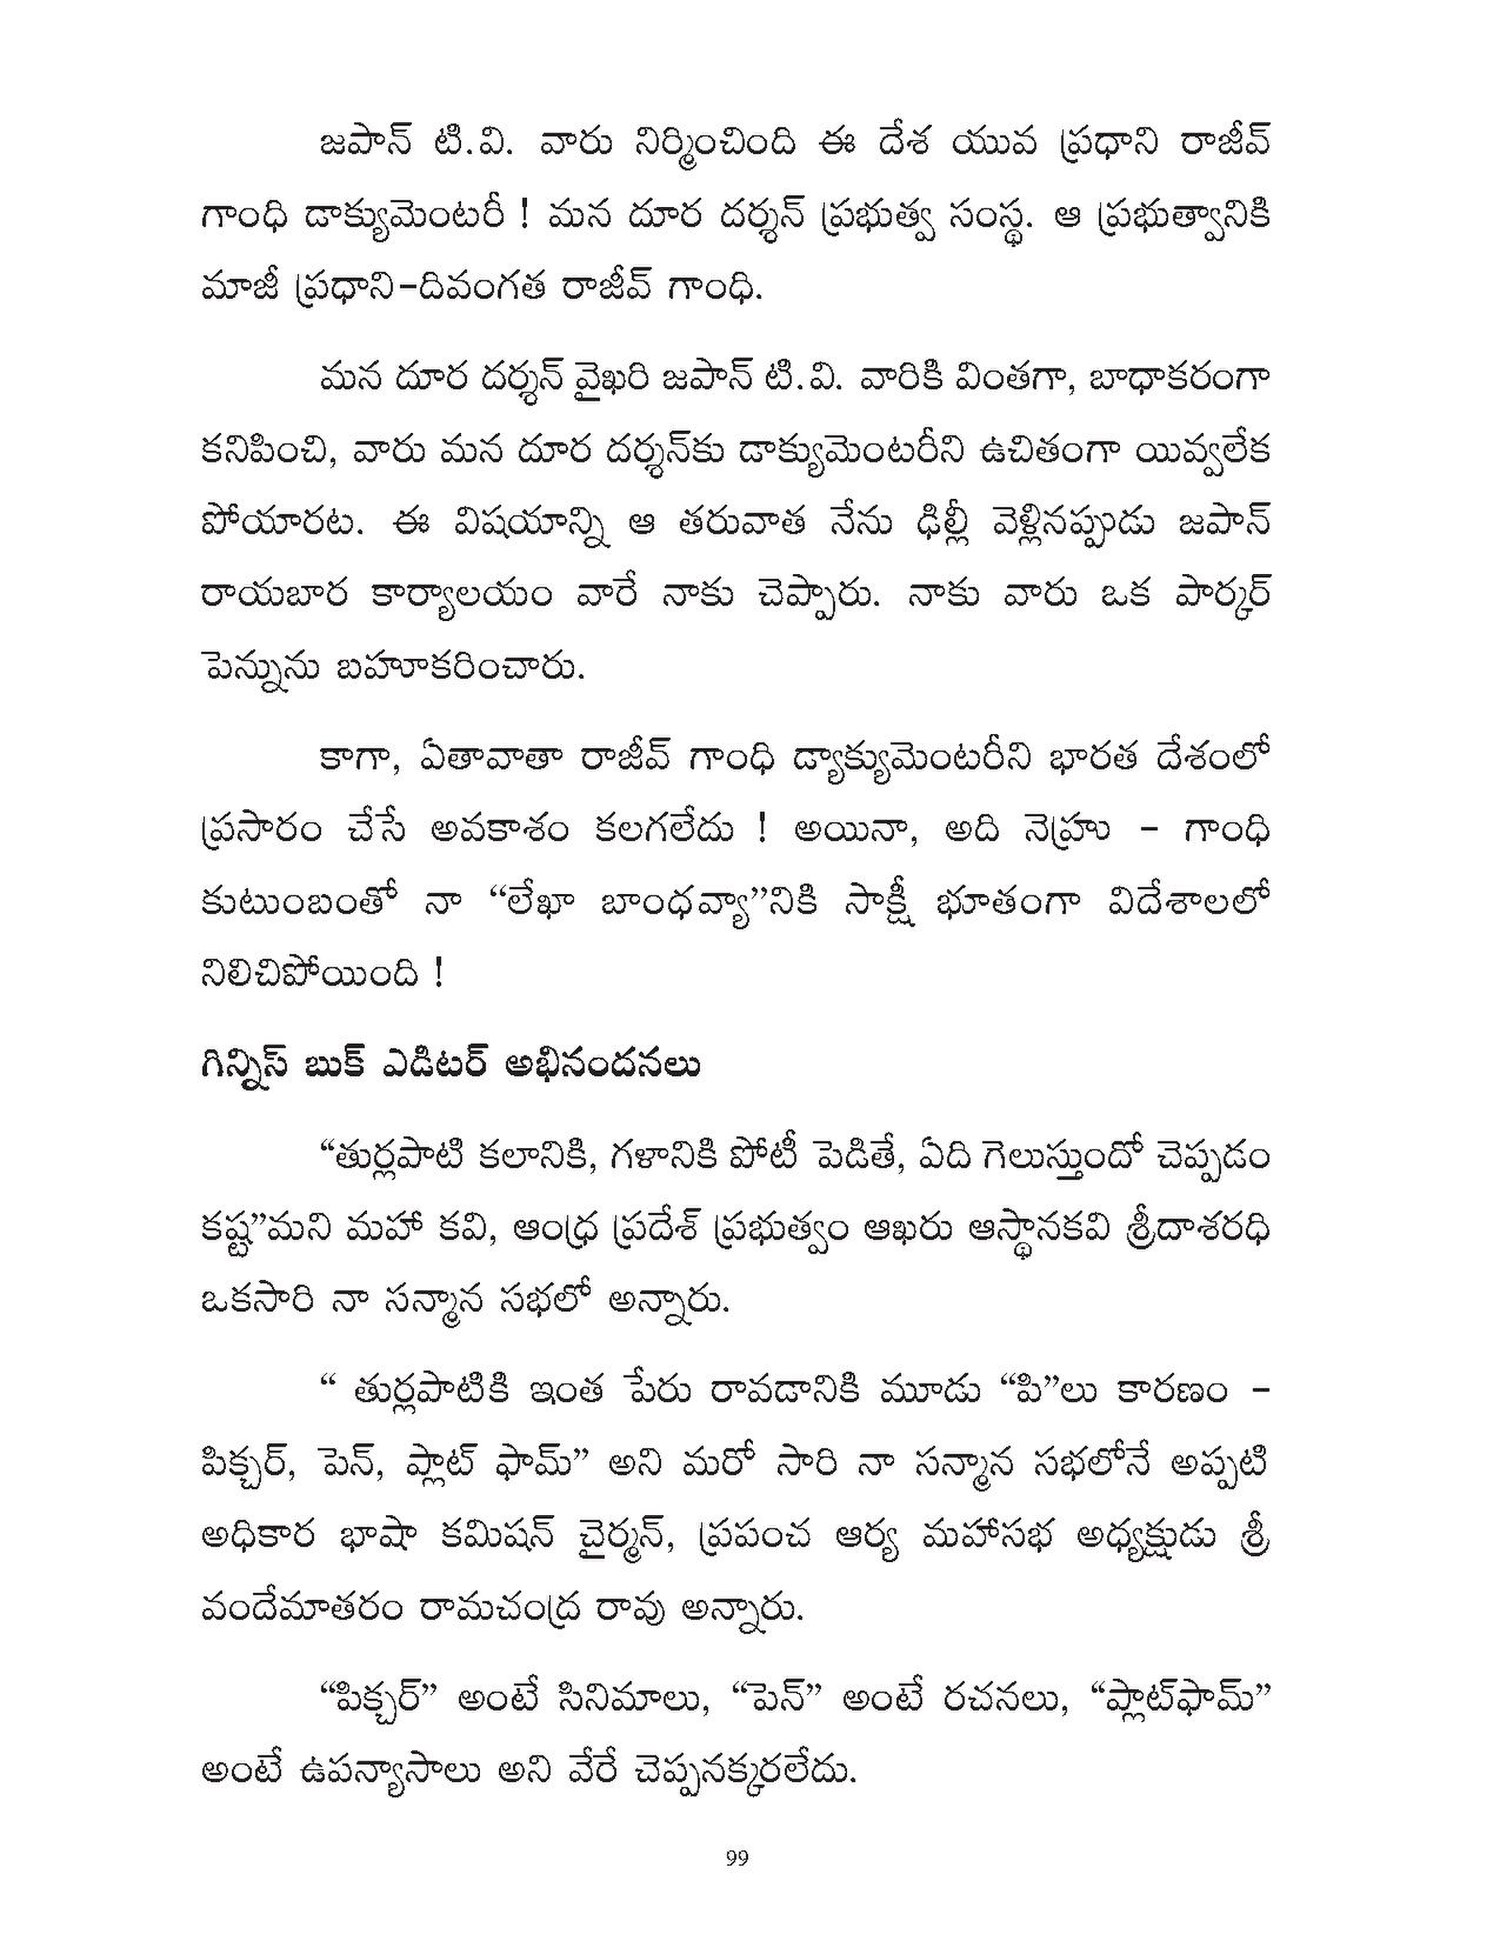జపాన్‌ టి.వి. వారు నిర్మించింది ఈ దేశ యువ ప్రధాని రాజీవ్‌
గాంధి డాక్యుమెంటరీ ! మన దూర దర్శన్‌ ప్రభుత్వ సంస్థ. ఆ ప్రభుత్వానికి
మాజీ ప్రధాని-దివంగత రాజీవ్‌ గాంధి.

మన దూర దర్శన్‌ వైఖరి జపాన్‌ టి.వి. వారికి వింతగా, బాధాకరంగా
కనిపించి, వారు మన దూర దర్శన్‌కు డాక్యుమెంటరీని ఉచితంగా యివ్వలేక
పోయారట. ఈ విషయాన్ని ఆ తరువాత నేను ఢిల్లీ వెళ్లినప్పుడు జపాన్‌
రాయబార కార్యాలయం వారే నాకు చెప్పారు. నాకు వారు ఒక పార్కర్‌
పెన్నును బహూకరించారు.

కాగా, ఏతావాతా రాజీవ్‌ గాంధి డాక్యుమెంటరీని భారత దేశంలో
ప్రసారం చేసే అవకాశం కలగలేదు ! అయినా, అది నెహ్రు - గాంధి
కుటుంబంతో నా "లేఖా బాంధవ్యా"నికి సాక్షీ భూతంగా విదేశాలలో
నిలిచిపోయింది !

గిన్నిస్‌ బుక్‌ ఎడిటర్‌ అభినందనలు

"తుర్లపాటి కలానికి, గళానికి పోటీ పెడితే, ఏది గెలుస్తుందో చెప్పడం
కష్ట"మని మహా కవి, ఆంధ్ర ప్రదేశ్‌ ప్రభుత్వం ఆఖరు ఆస్థానకవి శ్రీదాశరధి
ఒకసారి నా సన్మాన సభలో అన్నారు.

" తుర్లపాటికి ఇంత పేరు రావడనికి మూడు "పి"లు కారణం -
పిక్చర్‌, పెన్‌, ప్లాట్‌ ఫామ్‌" అని మరో సారి నా సన్మాన సభలోనే అప్పటి
అధికార భాషా కమిషన్‌ చైర్మన్‌, ప్రపంచ ఆర్య మహాసభ అధ్యక్షుడు శ్రీ
వందేమాతరం రామచంద్ర రావు అన్నారు.

"పిక్చర్‌" అంటే సినిమాలు, "పెన్‌" అంటే రచనలు, "ప్లాట్‌ఫామ్‌"
అంటే ఉపన్యాసాలు అని వేరే చెప్పనక్కరలేదు.